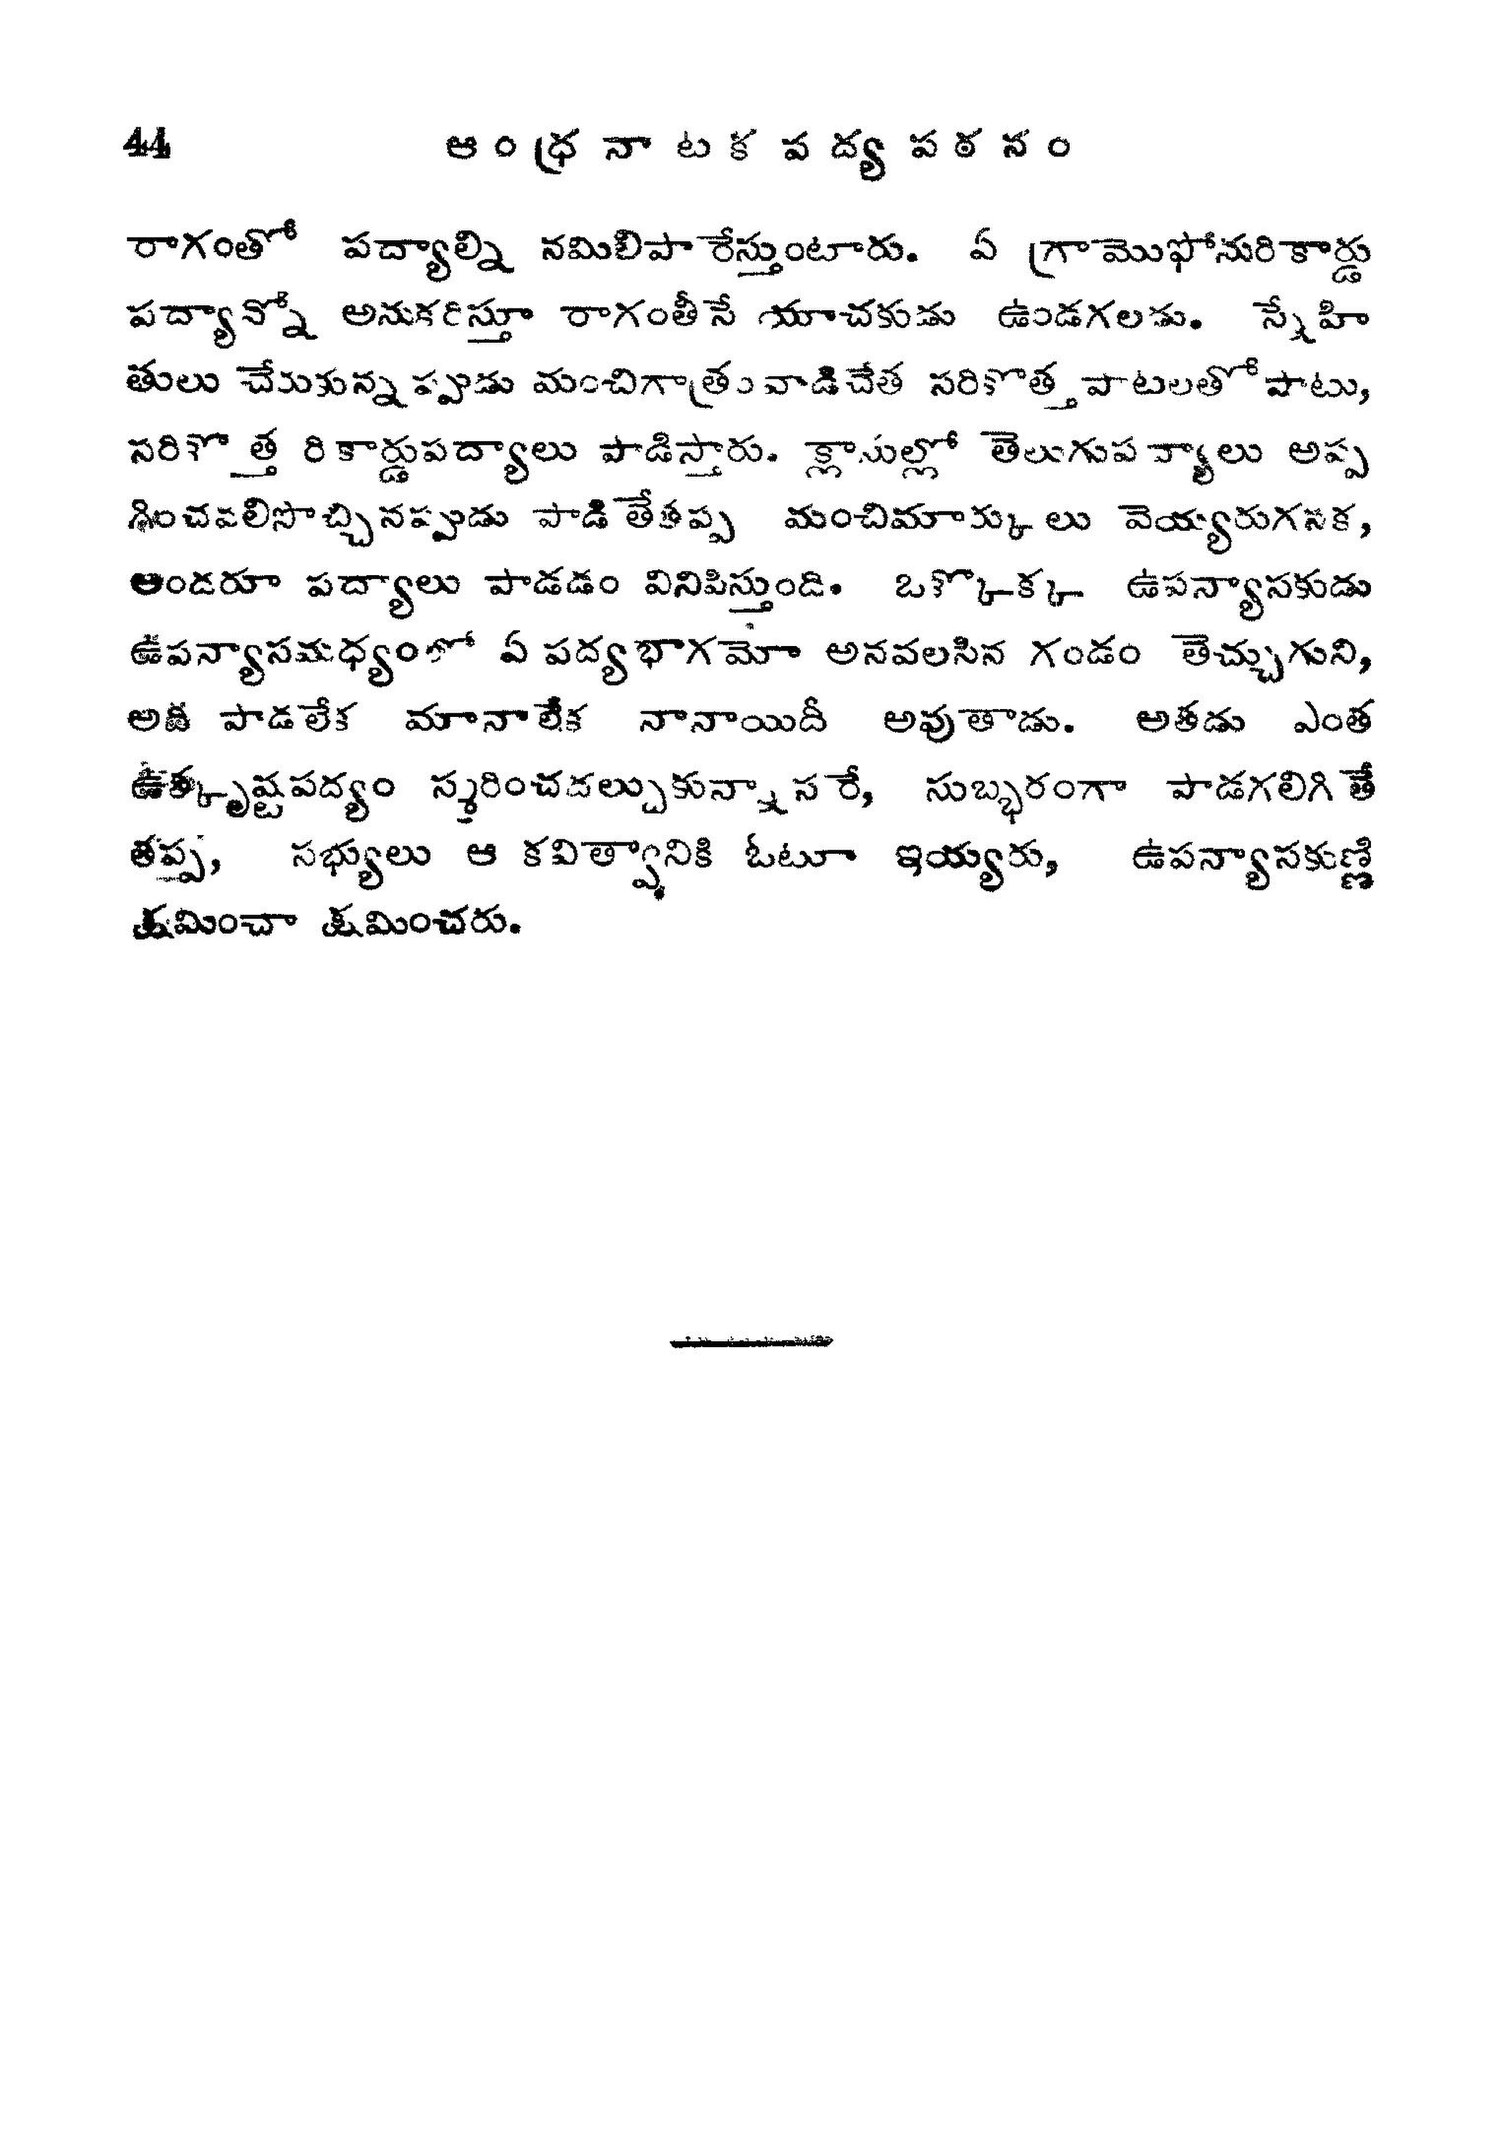రాగంతో పద్యాల్ని నమిలిపారేస్తుంటారు. ఏ గ్రామొఫోనురికార్డు
పద్యాన్నో అనుకరిస్తూ రాగంతీసే యాచకుడు ఉండగలడు. స్నేహి
తులు చేరుకున్నప్పుడు మంచిగాత్రంవాడిచేత సరికొత్తపాటలతోపాటు,
సరికొత్త రికార్డుపద్యాలు పాడిస్తారు. క్లాసుల్లో తెలుగుపద్యాలు అప్ప
గించవలిసొచ్చినప్పుడు పాడితేతప్ప మంచిమార్కులు వెయ్యరుగనక,
అందరూ పద్యాలు పాడడం వినిపిస్తుంది. ఒక్కొక్క ఉపన్యాసకుడు
ఉపన్యాసమధ్యంలో ఏ పద్యభాగమో అనవలసిన గండం తెచ్చుగుని,
అక్ష పాడలేక మానాలేక నానాయిదీ అవుతాడు. అతడు ఎంత
ఉత్కృష్టపద్యం స్మరించదల్చుకున్నాసరే, సుబ్బరంగా పాడగలిగితే
తప్ప, సభ్యులు ఆ కవిత్వానికి ఓటూ ఇయ్యరు, ఉపన్యాసకుణ్ణి
క్షమించా క్షమించరు.